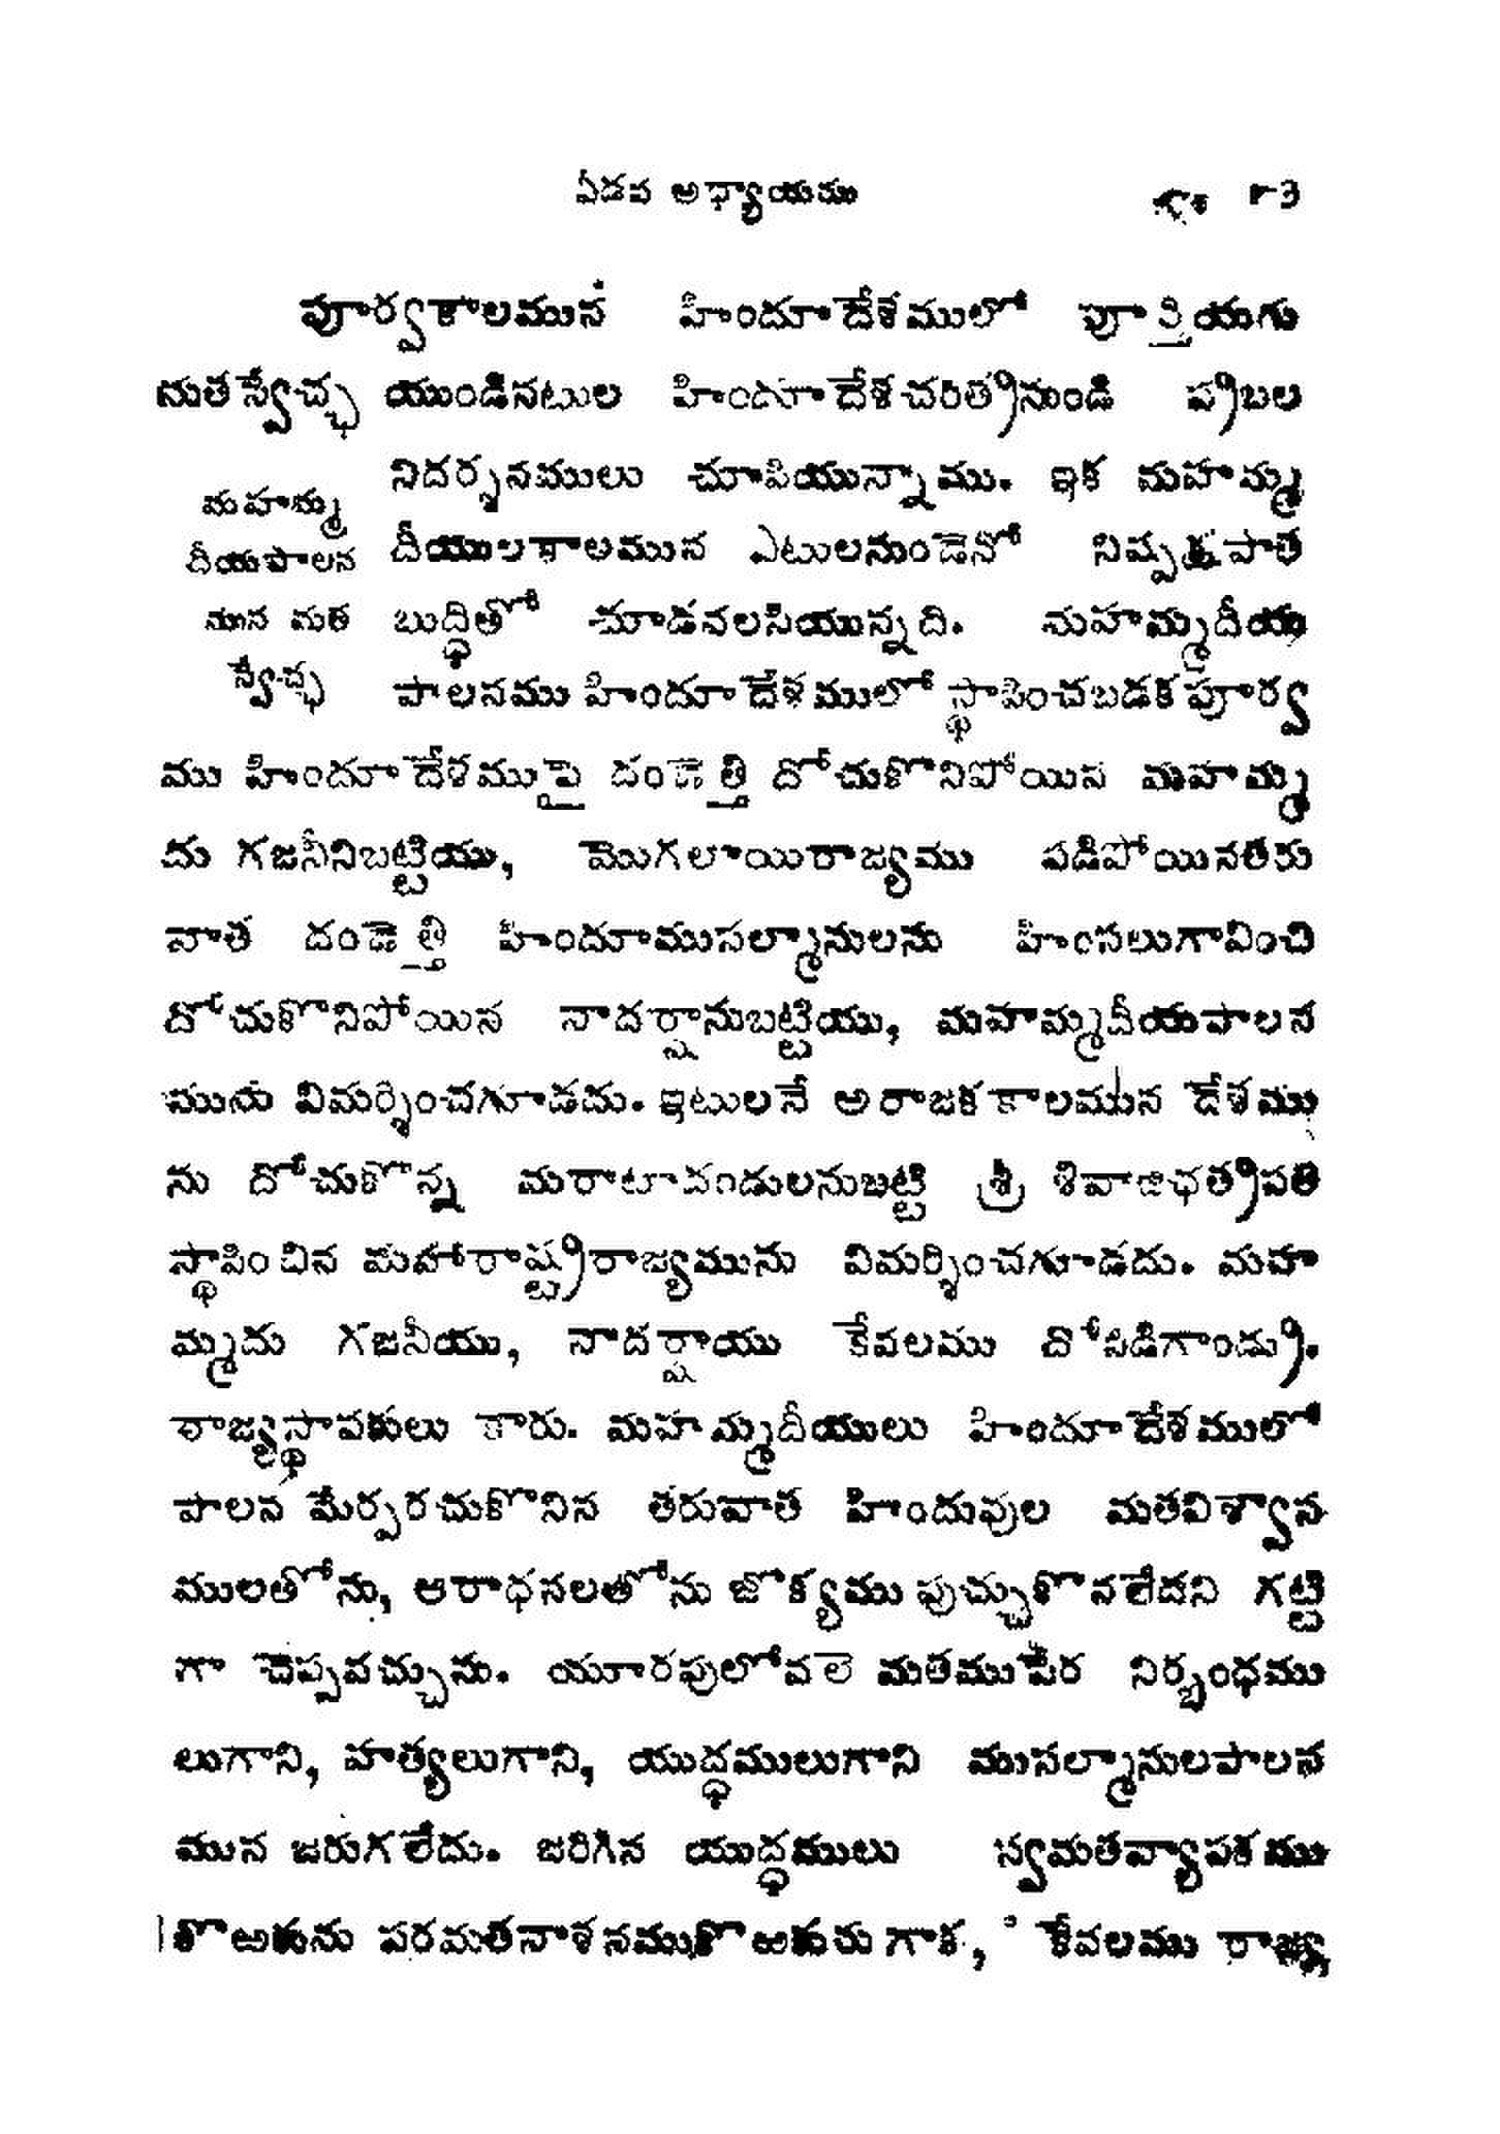మహమ్మదీయపాలన
మున మత స్వేచ్ఛ

పూర్వకాలమున హిందూ దేశములో పూర్తియగు
మత స్వేచ్ఛ యుండినటుల హిందూ దేశ చరిత్రనుండి ప్రబల
నిదర్శనములు చూపియున్నాము. ఇక మహమ్మ
మహద్ముదీయుల కాలమున ఎటులనుండెనో
నిష్పక పాతబుద్ధితో చూడవలసియున్నది. మహమ్మదీయ
పాలనము హిందూదేశములో స్థాపించబడక పూర్వ
ము హిందూదేశముపై దండెత్తి దోచుకొనిపోయిన మహమ్మ
దు గజసీని బట్టియు, మొగలాయి రాజ్యము పడిపోయిన తరు
వాత దండెత్తి హిందూ ముసల్మానులను హింసలుగావించి
దోచుకొనిపోయిన నాదర్జాను బట్టియు, మహమ్మదీయపాలన
మును విమర్శించగూడదు. ఇటులనే అరాజక కాలమున దేశము
ను దోచుకొన్న మరాటాదండులను బట్టి శ్రీ శివాజిఛత్రపతి
స్థాపించిన మహారాష్ట్ర రాజ్యమును విమర్శించగూడదు. మహ
మ్మదు గజనీయు, నాదర్షాయు కేవలము దోపిడిగాండ్రు.
రాజ్యస్థావకులు కారు. మహమ్మదీయులు హిందూదేశములో
పాలన మేర్పరచుకొనిన తరువాత హిందువుల మతవిశ్వాస
ములతోను, ఆరాధనలతోను జోక్యము పుచ్చుకొన లేదని గట్టి
గా చెప్పవచ్చును. యూరపులోవలె మతము పేర నిర్బంధము
లుగానీ, హత్యలుగాని, యుద్ధములుగాని ముసల్మానుల పాలన
మున జరుగ లేదు. జరిగిన యుద్ధములు స్వమతవ్యాపకము
కొఱకును పరమతనాశనము కొఱకును గాక, కేవలము రాజ్య